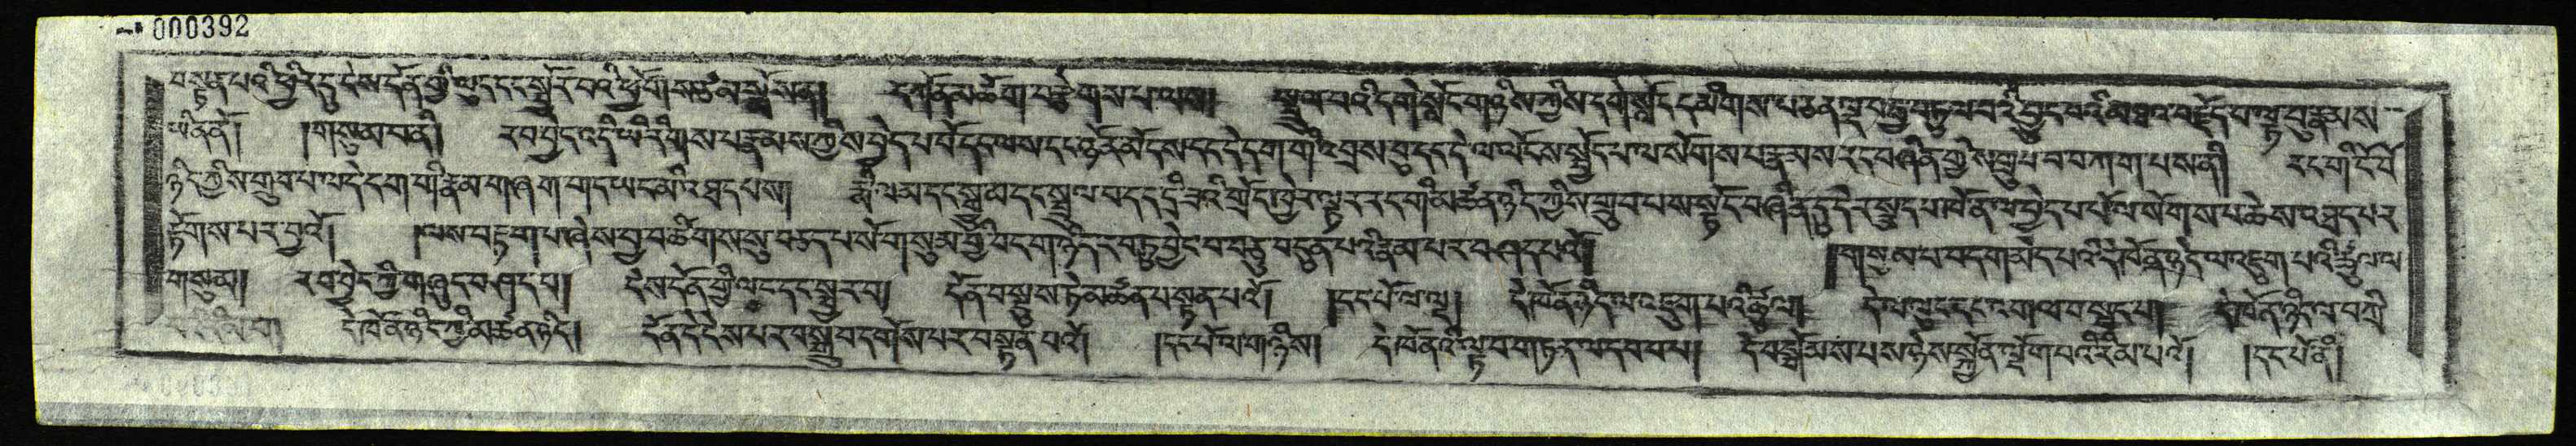བསྟན་པའི་ཕྱིར་དུ་ངེས་དོན་གྱི་ལུང་དང་སྦྱོར་བའི་ཕྱོགས་ཙམ་སྨོས་ན། དཀོན་མཆོག་བརྩེགས་པ་ལས། སྤྲུལ་པའི་དགེ་སློང་གཉིས་ཀྱིས་དགེ་སློང་དམིགས་པ་ཅན་ལྔ་བརྒྱ་བཏུལ་བའི་བྱུང་བའི་མཐའ་བརྗོད་པ་ལྟ་བུ་རྣམས་
ཡིན་ནོ། །གསུམ་པ་ནི། རབ་བྱེད་འདི་ཡི་རིགས་པ་རྣམས་ཀྱིས་བྱེད་པ་པོ་དང་ལས་དང་ཉོན་མོངས་དང་དེ་དག་གི་འབྲས་བུ་དང་དེ་ལ་ལོངས་སྤྱོད་པ་ལ་སོགས་པ་རྣམས་རང་བཞིན་གྱིས་གྲུབ་པ་བཀག་པས་ནི། རང་གི་ངོ་བོ་
ཉིད་ཀྱིས་གྲུབ་པ་ལ་དེ་དག་གི་རྣམ་གཞག་གང་ཡང་མི་འཐད་པས། རྨི་ལམ་དང་སྒྱུ་མ་དང་སྦྲུལ་བ་དང་དྲི་ཟའི་གྲོང་ཁྱེར་ལྟར་རང་གི་མཚན་ཉིད་ཀྱིས་གྲུབ་པས་སྟོང་བཞིན་དུ་དེར་སྣང་བ་ཁོ་ན་ལ་བྱེད་པ་པོ་ལ་སོགས་པ་ཆེས་འཐད་པར་
རྟོགས་པར་བྱའོ། །ལས་བརྟག་པ་ཞེས་བྱ་བ་ཚིགས་སུ་བཅད་པ་སོ་གསུམ་གྱི་བདག་ཉིད་རབ་ཏུ་བྱེད་པ་བཅུ་བདུན་པའི་རྣམ་པར་བཤད་པའོ།། །།གསུམ་པ་བདག་མེད་པའི་དེ་ཁོ་ན་ཉེད་ལ་འཇུག་པའི་ཚུལ་ལ་
གསུམ། རབ་བྱེད་ཀྱི་གཞུང་བཤད་པ། ངེས་དོན་གྱི་ལུང་དང་སྦྱར་བ། དོན་བསྡུས་ཏེ་མཚན་པ་སྟན་པའོ། །དང་པོ་ལ་ལྔ། དེ་ཁོ་ན་ཉིད་ལ་འཇུག་པའི་ཚུལ། དེ་ལ་ལུང་དང་འགལ་བ་སྤང་པ། དེ་ཁོ་ན་ཉིད་ལ་བཀྲི་
བའི་རིམ་པ། དེ་ཁོ་ན་ཉིད་ཀྱི་མཚན་ཉིད། དོན་དེ་ངེས་པར་བསྒྲུབ་དགོས་པར་བསྟན་པའོ། །དང་པོ་ལ་གཉིས། དེ་ཁོ་ནའི་ལྟ་བ་གཏན་ལ་དབབ་པ། དེ་བསྒོམས་པས་ཉེས་སྐྱོན་ལྡོག་པའི་རིམ་པའོ། །དང་པོ་ནི།